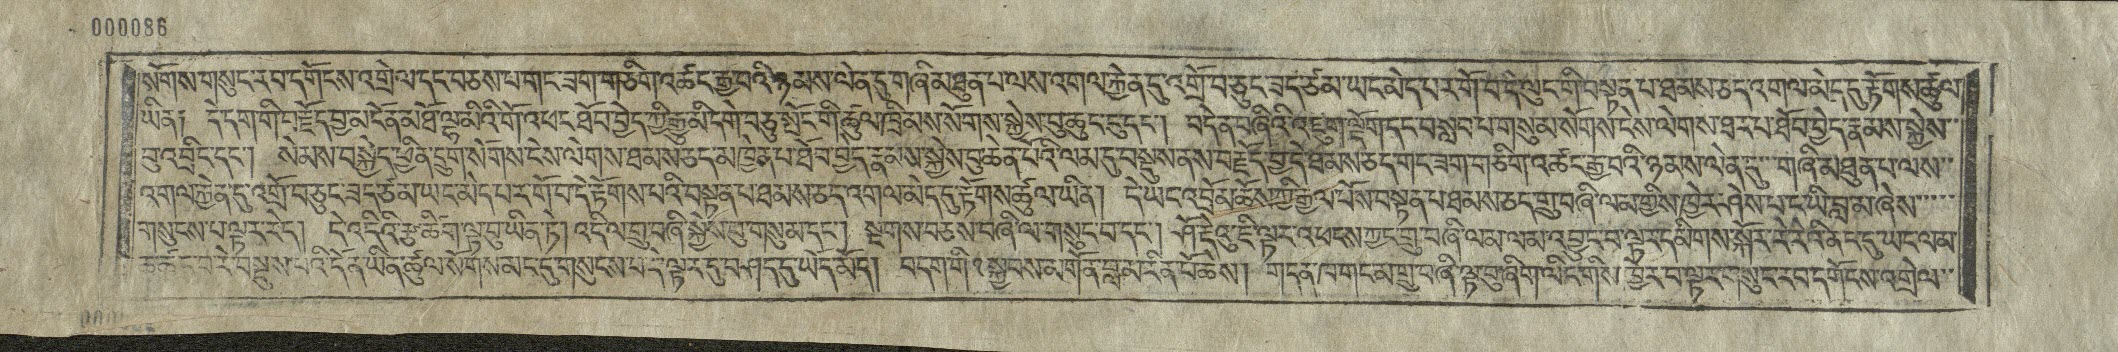སོགས་གསུང་རབ་དགོངས་འགྲེལ་དང་བཅས་པ་གང་ཟག་གཅིག་འཚང་རྒྱ་བའི་ཉམས་ལེན་དུ་གཞི་མཐུན་པ་ལས་འགལ་རྐྱེན་དུ་འགྲོ་བ་ཅུང་ཟད་ཙམ་ཡང་མེད་པར་གོ་བ་དེ་ལུང་གི་བསྟན་པ་ཐམས་ཅད་འགལ་མེད་དུ་རྟོགས་ཚུལ་
ཡིན། དེ་དག་གི་བརྗོད་བྱ་མངོན་མཐོ་ལྷ་མིའི་གོ་འཕང་ཐོབ་བྱེད་ཀྱི་རྒྱུ་མི་དགེ་བཅུ་སྤོང་གི་ཚུལ་ཁྲིམས་སོགས་སྐྱེས་བུ་ཆུང་ངུ་དང་། བདེན་བཞིའི་འཇུག་ལྡོག་དང་བསླབ་པ་གསུམ་སོགས་ངེས་ལེགས་ཐར་པ་ཐོབ་བྱེད་རྣམས་སྐྱེས་
བུ་འབྲིང་དང་། སེམས་བསྐྱེད་ཕྱིན་དྲུག་སོགས་ངེས་ལེགས་ཐམས་ཅད་མཁྱེན་པ་ཐོབ་བྱེད་རྣམས་སྐྱེས་བུ་ཆེན་པོའི་ལམ་དུ་བསྡུས་ནས་བརྗོད་བྱ་དེ་ཐམས་ཅད་གང་ཟག་གཅིག་འཚང་རྒྱ་བའི་ཉམས་ལེན་དུ་གཞི་མཐུན་པ་ལས་
འགལ་རྐྱེན་དུ་འགྲོ་བ་ཅུང་ཟད་ཙམ་ཡང་མེད་པར་གོ་བ་དེ་རྟོགས་པའི་བསྟན་པ་ཐམས་ཅད་འགལ་མེད་དུ་རྟོགས་ཚུལ་ཡིན། དེ་ཡང་འབྲོམ་ཆོས་ཀྱི་རྒྱལ་པོས་བསྟན་པ་ཐམས་ཅད་གྲུ་བཞི་ལམ་གྱིས་ཁྱེར་ཤེས་པ་ང་ཡི་བླ་མ་ཞེས་
གསུངས་པ་ལྟར་རེད། དེ་འདིའི་རྩ་ཚིག་ལྟ་བུ་ཡིན་ཏེ། འདི་ལ་གྲུ་བཞི་སྐྱེས་བུ་གསུམ་དང་། སྔགས་བཅས་བཞི་ལ་གསུང་བ་དང་། ཤོ་རྡེའུ་ཇི་ལྟར་འཕངས་ཀྱང་གྲུ་བཞི་ལམ་ལམ་འབྱུང་བ་ལྟར་དམིགས་སྐོར་རེ་རེའི་ནང་དུ་ཡང་ལམ་
ཆ་ཚང་བ་རེ་བསྡུས་པའི་དོན་ཡིན་ཚུལ་སོགས་མང་དུ་གསུངས་པ་དེ་ལྟར་དུ་བཤད་དུ་ཡོད་མོད། བདག་གི་?་སྐྱབས་མགོན་བླ་མ་རིན་པོ་ཆེས། གདན་ཁ་གང་མ་གྲུ་བཞི་ལྟ་བུ་ཞིག་ལིང་གིས་ཁྱེར་བ་ལྟར་གསུང་རབ་དགོངས་འགྲེལ་